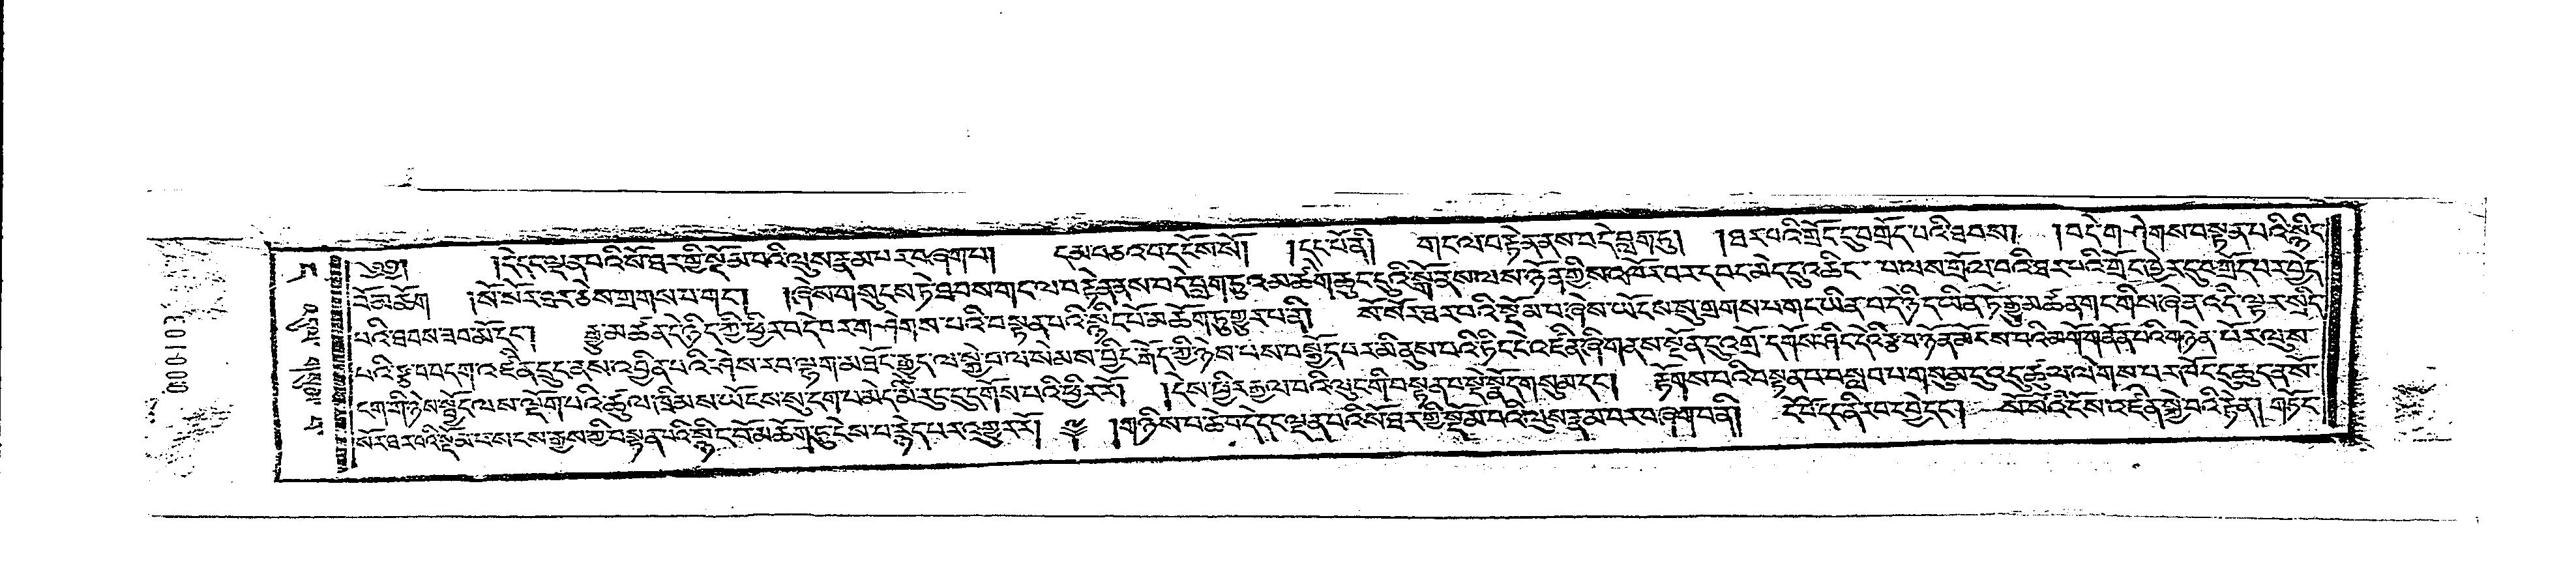༄༅། །དེ་དང་ལྡན་པའི་སོ་ཐར་གྱི་སྡོམ་པའི་ལུས་རྣམ་པར་བཞག་པ། དམ་བཅའ་བ་དངོས་སོ། །དང་པོ་ནི། གང་ལ་བརྟེན་ནས་བདེ་བླག་ཏུ། །ཐར་པའི་གྲོང་དུ་བགྲོད་པའི་ཐབས། །བདེ་གཤེགས་བསྟན་པའི་སྙིང་
པོ་མཆོག །སོ་སོར་ཐར་ཅེས་གྲགས་པ་གང་། །ཞེས་གསུངས་ཏེ་ཐབས་གང་ལ་བརྟེན་ནས་བདེ་བླག་ཏུའམ་ཚེག་ཆུང་ངུའི་སྒོ་ནས་ལས་ཉོན་གྱིས་འཁོར་བར་དབང་མེད་དུ་འཆིང་བ་ལས་གྲོལ་བའི་ཐར་པའི་གྲོང་ཁྱེར་དུ་བགྲོད་པར་བྱེད་
པའི་ཐབས་ཟབ་མོ་དང་། རྒྱུ་མཚན་དེ་ཉིད་ཀྱི་ཕྱིར་བདེ་བར་གཤེགས་པའི་བསྟན་པའི་སྙིང་པོ་མཆོག་ཏུ་གྱུར་པ་ནི། སོ་སོར་ཐར་པའི་སྡོམ་པ་ཞེས་ཡོངས་སུ་གྲགས་པ་གང་ཡིན་པ་དེ་ཉིད་ཡིན་ཏེ་རྒྱུ་མཚན་གང་གིས་ཞེན་འདི་ལྟར་སྲིད་
པའི་རྩ་བ་བདག་འཛིན་དྲུང་ནས་འབྱིན་པའི་ཤེས་རབ་ལྷག་མཐོང་རྒྱུད་ལ་སྐྱེ་བ་ལ་སེམས་བྱིང་རྒོད་ཀྱི་ཉེས་པས་བསྐྱོད་པར་མི་ནུས་པའི་ཏིང་ངེ་འཛིན་ཞི་གནས་སྔོན་དུ་འགྲོ་དགོས་ཤིང་དེའི་རྩ་བ་ཉོན་མོངས་པའི་མགོ་གནོན་པའི་གཉེན་པོར་ལུས་
ངག་གི་ཉེས་སྦྱོང་ལས་ལྡོག་པའི་ཚུལ་ཁྲིམས་ཡོངས་སུ་དག་པ་མེད་མི་རུང་དུ་དགོས་པའི་ཕྱིར་རོ། །དེས་ཕྱིར་རྒྱལ་བའི་ལུང་གི་བསྟན་པ་སྡེ་སྣོད་གསུམ་དང་། རྟོགས་པའི་བསྟན་པ་བསླབ་པ་གསུམ་དུ་འདུ་ཚུལ་ལེགས་པར་ཁོང་དུ་ཆུད་ན་སོ་
སོར་ཐར་པའི་སྡོམ་པ་སངས་རྒྱས་ཀྱི་བསྟན་པའི་སྙིང་པོ་མཆོག་ཏུ་ངེས་པ་རྙེད་པར་འགྱུར་རོ། ༈ །གཉིས་པ་ཆེ་བ་དེ་དང་ལྡན་པའི་སོ་ཐར་གྱི་སྡོམ་པའི་ལུས་རྣམ་པར་བཞག་པ་ནི། ངོ་བོ་དང་ནི་རབ་དབྱེ་དང་། སོ་སོའི་ངོས་འཛིན་སྐྱེ་བའི་རྟེན། གཏོང་